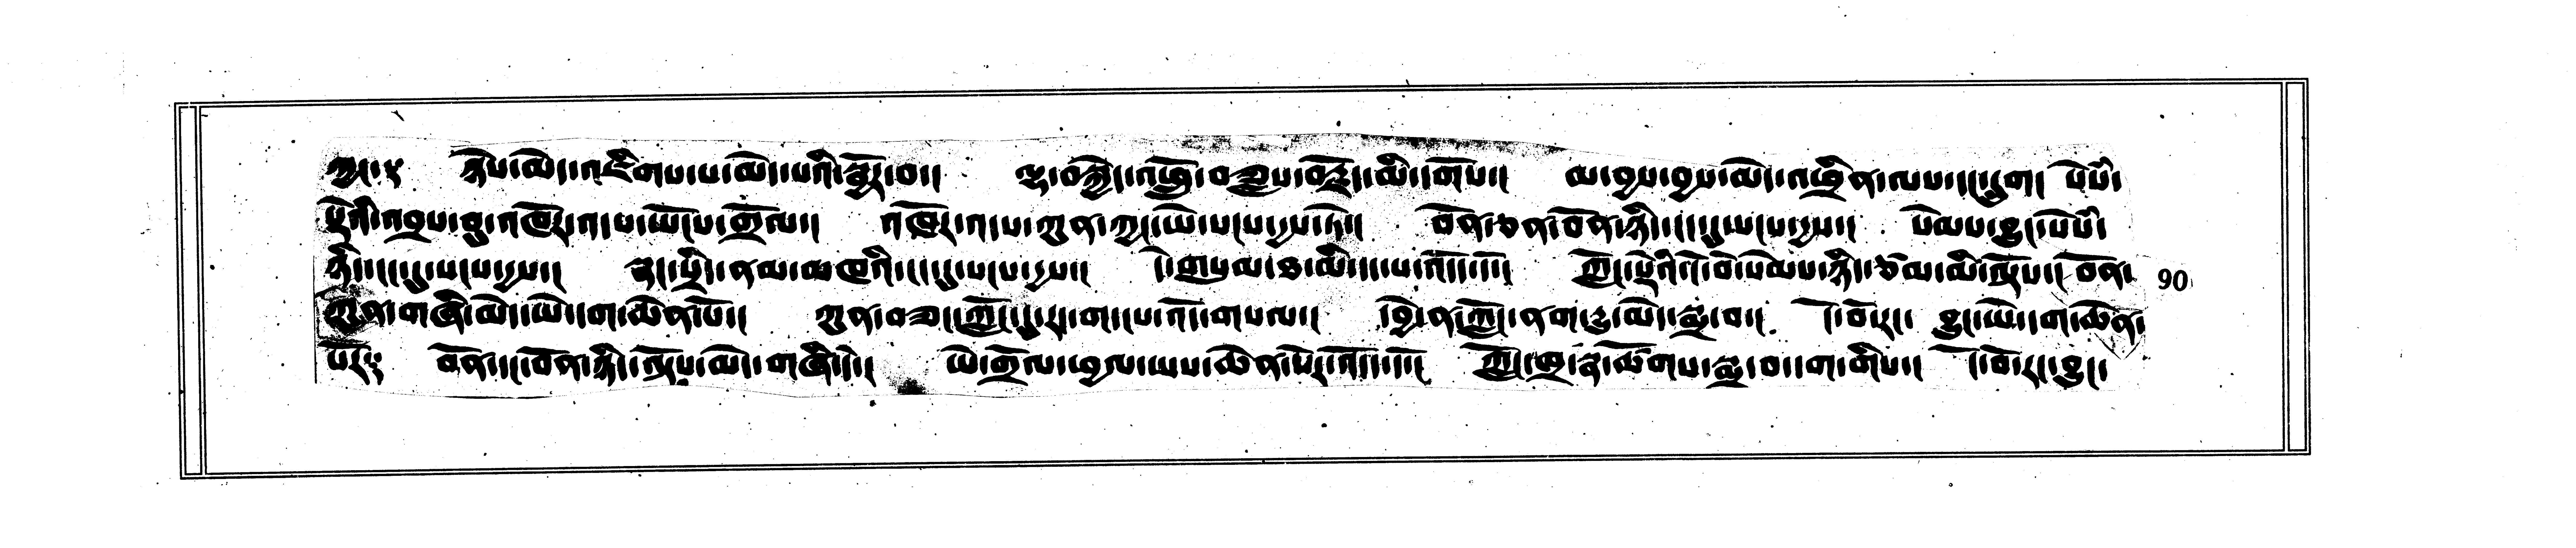ཀྱང་། །ཉེས་མེད་འཇིགས་པ་མེད་པའི་སྦྱོར་བ། །ལྷ་བསྐྱེད་འཕྲོ་འདུ་བཟླས་བརྗོད་མི་དགོས། །མ་བྱས་བྱས་མེད་འཕྲིན་ལས་དང་དྲུག །སེམས་
སྡེའི་འབྲས་བུ་འཁོར་འདས་ཡོངས་གྲོལ། །འཁོར་འདས་ཀུན་ཀྱང་ཡེ་སངས་རྒྱས་ཏེ། །བོན་ཅན་བོན་ཉིད་ངང་དུ་སངས་རྒྱས། །སེམས་བྱུང་སེམས་
ཉིད་ངང་དུ་སངས་རྒྱས། །སྣང་སྲིད་ནམ་མཁའི་ངང་དུ་སངས་རྒྱས། །དེ་གསུམ་ཐ་མི་དད་པ་འདོད། །ཀློང་སྡེའི་ངོ་བོ་སེམས་ཉིད་ཙམ་མི་ལྟོས། །བོན་
ཀུན་གཞི་མེད་ཡེ་དག་ཆེན་པོ། །ཀུན་བཟང་ཀློང་དུ་རང་གདངས་འོད་གསལ། །དབྱེ་ན་ཀློང་ནག་རྒྱུ་མེད་སྨྲ་བ། །ངོ་བོ་རང་འབྱུང་ཡེ་དག་ཆེན་པོར། །བོན་
དང་བོན་ཉིད་ལྟོས་མེད་གཞི་དེ། །ཡེ་གྲོལ་ཕྱལ་ཡས་ཆེན་པོར་འདོད་དོ། །ཀློང་ཁྲ་སྣ་ཚོགས་སྨྲ་བ་དག་གིས། །ངོ་བོ་རང་བྱུང་